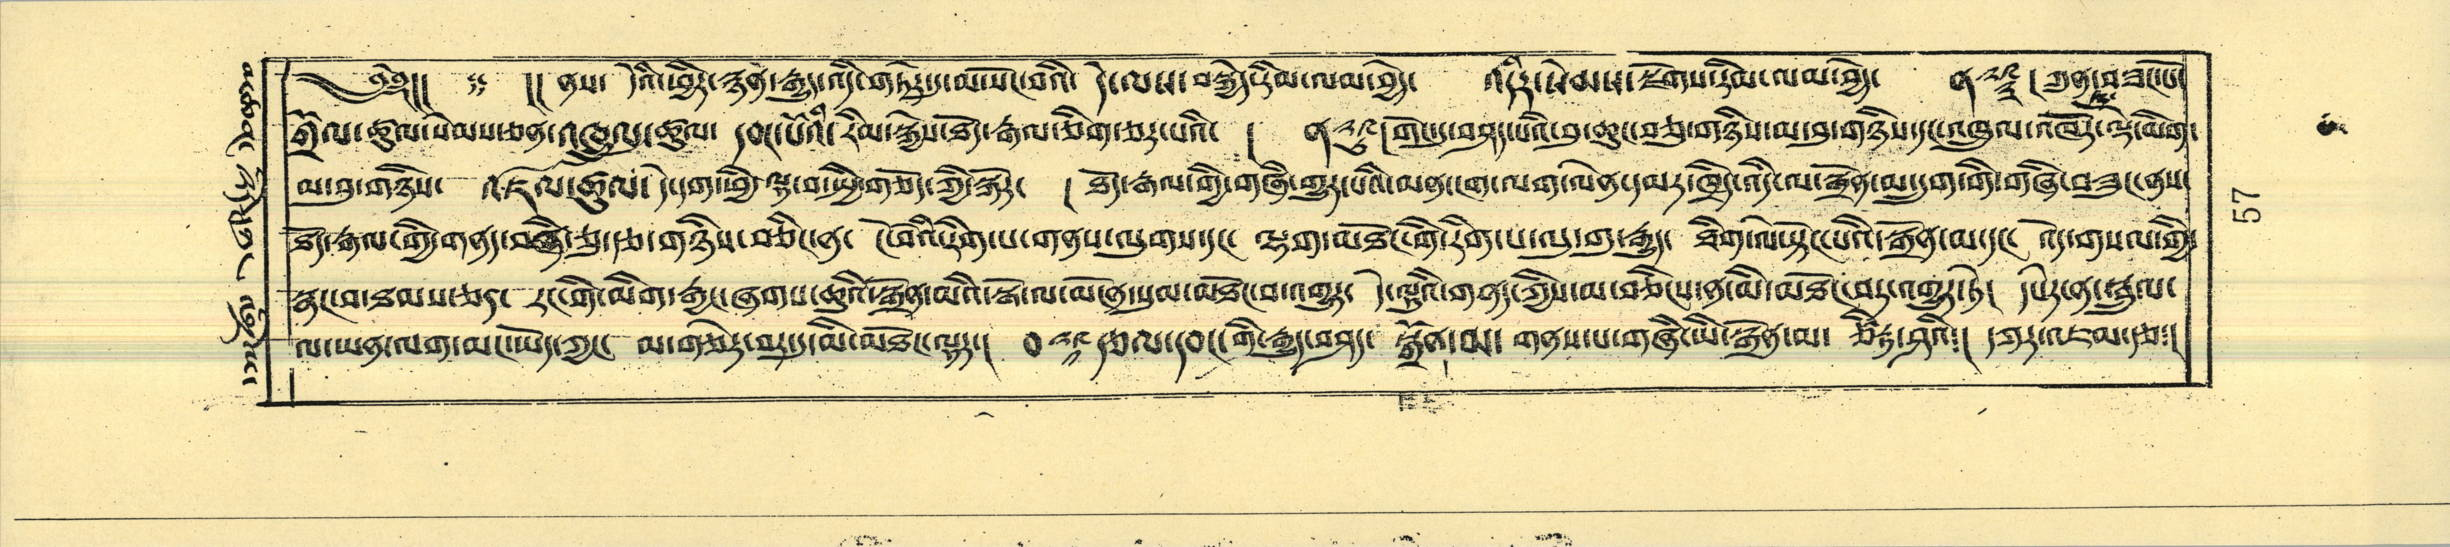ནས་དེའི་ཕྱིར་སྙན་བརྒྱུད་འདི་གཏེར་དུ་མ་སོང་བའི་༼དེ་ལས༽ བསྐྱེད་རིམ་ལམ་བྱེད་ ༼འདིར་སེམས༽ རྫོགས་རིམ་ལམ་བྱེད་ན༢༩།༣ ཀུན་ཏུ་བཟང་པོ་
༼གྲོལ་ཚུལ༽སེམས་ཅན་༼འཁྲུལ༽ཚུལ་༼དབང་པོའི༽ རིམ་སྐྱེས་ཐོད་རྒལ་ཅིག་ཅར་པའི་ན༢༩།༦གོང་དུ་བཤད་པའི་བུ་ཆུང་བཅུ་གཉིས་མ་བུ་གཉིས་དང་འཁྲུལ་འཁོར་ལྡེ་མིག་
མ་བུ་གཉིས་༼མཇལ་ཚུལ༽དེ་དག་ཕྱི་ལྟ་བ་སྤྱི་གཅོད་ཀྱི་སྐོར། ཐོད་རྒལ་གྱི་གཞིར་གྱུར་པའི་མན་ངག་ལག་ལེན་དམར་ཁྲིད་འདི་ལ་སྒྲོན་མ་དྲུག་གི་གཞི་བཟུང་ནས་
ཐོད་རྒལ་གྱི་གནད་བཞི་བཅུ་རྩ་གཉིས་བཅིང་ན་ ངོ་བོའི་རིག་པ་གནས་ལུགས་དང་ ལྷག་མཐོང་གི་རིག་པ་ལུ་གུ་རྒྱུད་ ཐིག་ལེ་སྟོང་པའི་སྒྲོན་མ་དང་ འོད་གསལ་གྱི་
སྣང་བ་ཐམས་ཅད་ རང་གི་མིག་རྒྱང་ཞགས་ཆུའི་སྒྲོན་མའི་སྒོ་ལ་མངོན་སུམ་མཐོང་བར་འགྱུར། དེ་ལྟ་བུའི་གནད་ཀྱིས་མ་བཅིངས་ན་མི་མཐོང་བར་འགྱུར་ཏེ། དཔེར་ན་སྦྲུལ་
ན་ཡན་ལག་མང་པོ་ཡོད་ཀྱང་མ་གཅེར་བར་དུ་མི་མཐོང་ལྟར་བ༢༩།༡༼རྩལ་དབང༽གི་རྒྱུད་བཤད་༼སྒྲོན་མ༽གནས་པ་གཞིའི་སྒྲོན་མ་ཙིརྟ་ཤའི་སྒྲོན་མ་དཀར་འཇམ་རྩའི་སྒྲོན་མ་